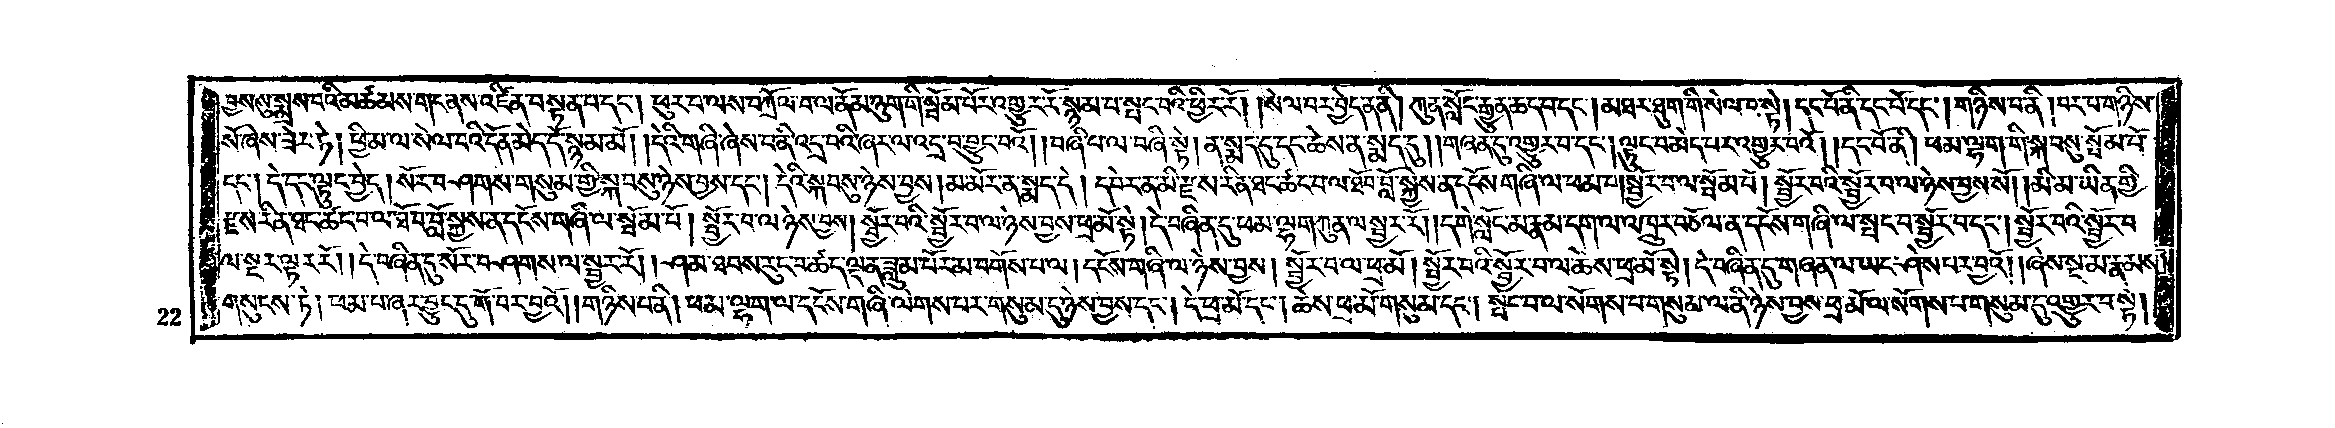བྱས་སུ་སྨྲས་པའི་མཚམས་གང་ནས་འཛིན་བསྟན་པ་དང་། ཕུར་པ་ལས་བཀྲོལ་བ་ལ་ནོ་མ་ཉུག་གི་སྦོམ་པོར་འགྱུར་རོ་སྙམ་པ་སྤང་བའི་ཕྱིར་རོ། །སེལ་བར་བྱེད་ན་ནི། ཀུན་སློང་རྒྱུན་ཆད་པ་དང་། མཐར་ཐུག་གི་སེལ་བ་སྟེ། དང་པོ་ནི་དང་པོ་དང་། གཉིས་པ་ནི། བར་པ་གཉིས་
སོ་ཞེས་ཟེར་ཏེ། ཕྱི་མ་ལ་སེལ་བའི་དོན་མེད་དོ་སྙམ་མོ། །དེའི་གཞི་ཞེས་པ་ནི་འདྲ་བའི་ཞར་ལ་འདྲ་བ་བྱུང་བའོ། །བཞི་པ་ལ་བཞི་སྟེ། ན་སྨད་དུ་དང་ཆེས་ན་སྨད་དུ། །གཞན་དུ་འགྱུར་བ་དང་། ལྟུང་བ་མེད་པར་འགྱུར་བའོ། །དང་པོ་ནི། ཕམ་ལྷག་གི་སྐབས་སུ་སྦོམ་པོ་
དང་། དེ་དང་ལྟུང་བྱེད། སོར་བཤགས་གསུམ་གྱི་སྐབས་སུ་ཉེས་བྱས་དང་། དེའི་སྐབས་སུ་ཉེས་བྱས། མ་མོར་ན་སྨད་དེ། དཔེར་ན་མི་རྫས་རིན་ཐང་ཚང་བ་ལ་ཐོབ་བློ་སྐྱེས་ན་དངོས་གཞི་ལ་ཕམ་པ། སྦྱོར་བ་ལ་སྦོམ་པོ། སྦྱོར་བའི་སྦྱོར་བ་ལ་ཉེས་བྱས་སོ། །མི་མ་ཡིན་གྱི་
རྫས་རིན་ཐང་ཚང་བ་ལ་ཐོབ་བློ་སྐྱས་ན་དངོས་གཞི་ལ་སྦོམ་པོ། སྦྱོར་བ་ལ་ཉེས་བྱས། སྦྱོར་བའི་སྦྱོར་བ་ལ་ཉེས་བྱས་ཕྲ་མོ་སྟེ། དེ་བཞིན་དུ་ཕམ་ལྷག་ཀུན་ལ་སྦྱར་རོ། །དགེ་སློང་མ་རྣམ་དག་ལ་འཁྲུར་བཅོལ་ན་དངོས་གཞི་ལ་སྤང་བ་སྦྱོར་བ་དང་། སྦྱོར་བའི་སྦྱོར་བ་
ལ་སྔར་ལྟར་རོ། །དེ་བཞིན་དུ་སོར་བཤགས་ལ་སྦྱར་རོ། །ཤམ་ནྠབས་རུང་བ་ཚད་ལྡན་ཟླུབ་པོར་མ་བགོས་པ་ལ། དངོས་གཞི་ལ་ཉེས་བྱས། སྦྱོར་བ་ལ་ཕྲ་མོ། སྦྱོར་བའི་སྦྱོར་བ་ལ་ཆེས་ཕྲ་མོ་སྟེ། དེ་བཞིན་དུ་གཞན་ལ་ཡང་ཤེས་པར་བྱའོ། །ཞེས་སྔ་མ་རྣམས་
གསུངས་ཏེ། ཕམ་པ་ཞར་བྱུང་དུ་གོ་བར་བྱའོ། །གཉིས་པ་ནི། ཕམ་ལྷག་ལ་དངོས་གཞི་ལེགས་པར་གསུམ་དུ་ཉེས་བྱས་དང་། དེ་ཕྲ་མོ་དང་། ཆེས་ཕྲ་མོ་གསུམ་དང་། སྤང་པ་ལ་སོགས་པ་གསུམ་ལ་ནི་ཉེས་བྱས་ཕྲ་མོ་ལ་སོགས་པ་གསུམ་དུ་འགྱུར་བ་སྟེ།